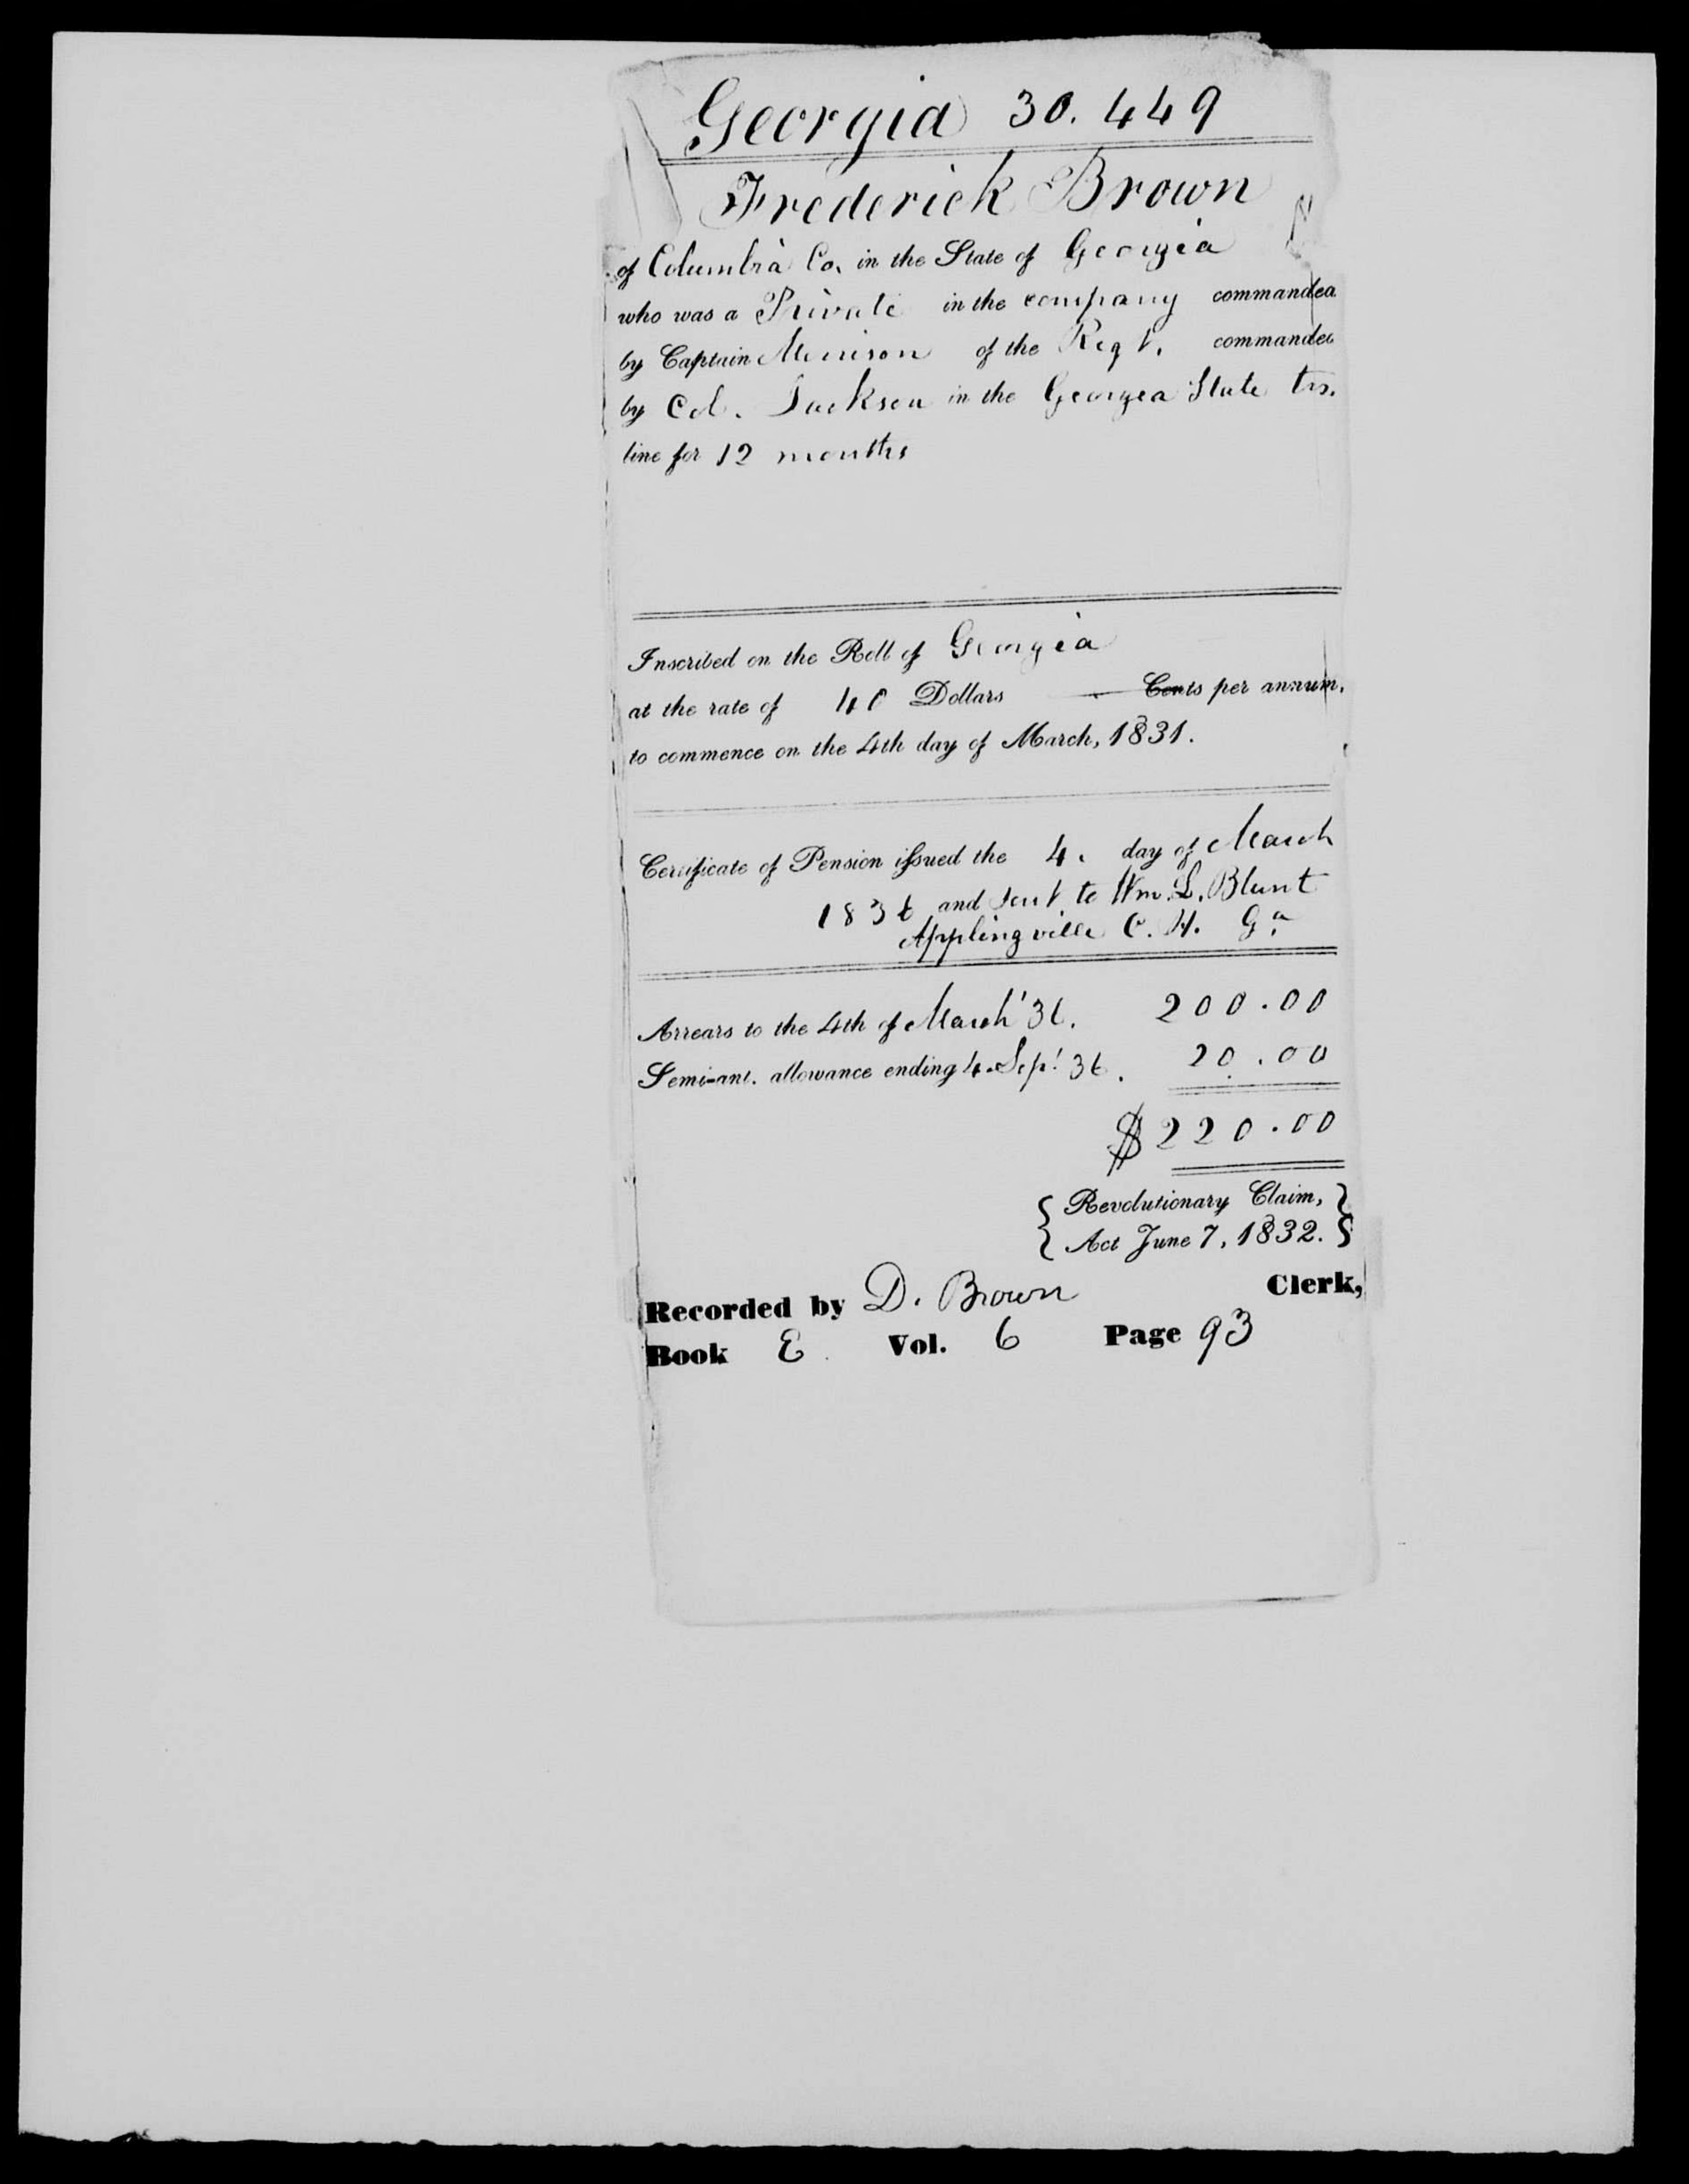Georgia 30.449
Frederick Brown of Columbia Co. in the State of Georgia who was a Private in the company commandea by Captain Morrison of the Regt. commander by Col. Jackson in the Georgia State [unreadable] line for 12 months. Inscribed on the Roll of Georgia at the rate of 40 Dollars Cents per annum, to commence on the 4th day of March, 1831. Certificate of Pension issued the 4, day of March 1836 and sent to Wm. L. Blunt Applingville C. H. Ga. Appears to the 4th of March '36 200.00 Semi-anl. allowance ending 4 Sep. '36 20.00 [=] $220.00 {Revolutionary Claim, Act June 7, 1832.} Recorded by D. Brown Clerk, Book E. Vol. 6 Page 93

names: Wm L Blunt, Morrison, D Brown, Frederick Brown, Jackson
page: 2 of 11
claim: survivor's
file: S. 31,576, Frederick Brown, Ga.